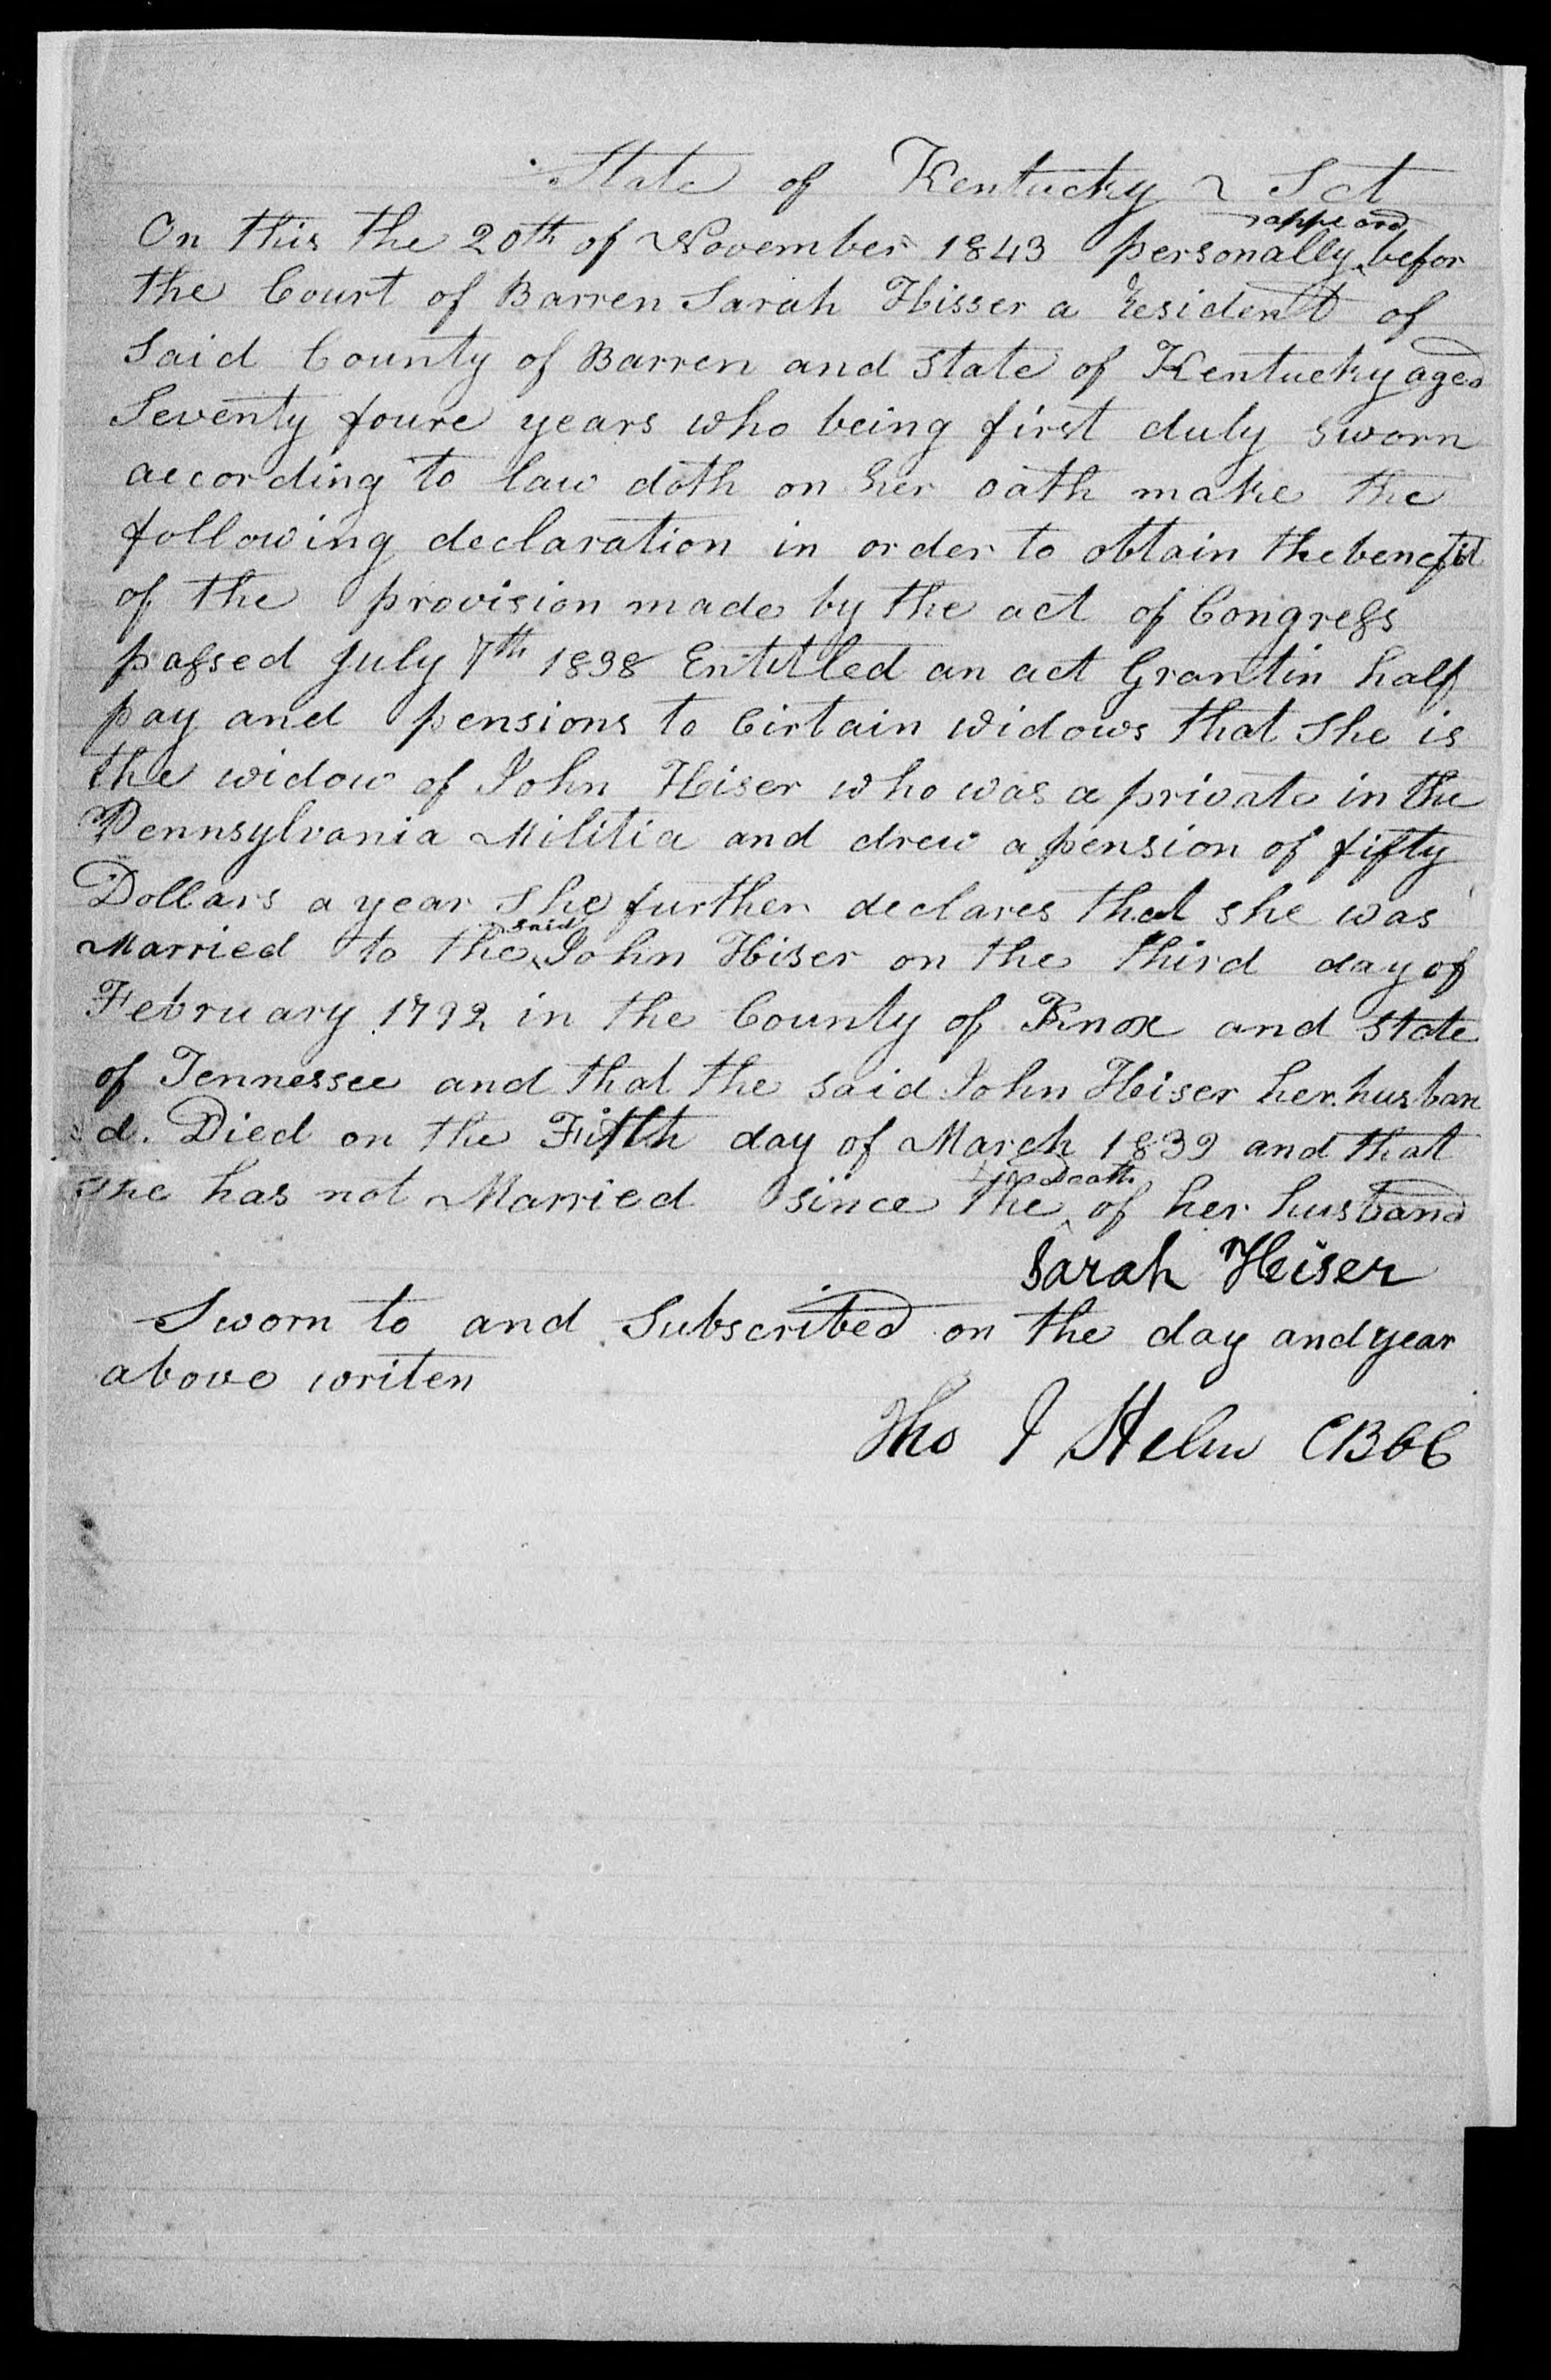State of Kentucky} sct

    On this the 20th of November 1843 personally appeared before the Court of Barren Sarah Kisser a resident of said county of Barren and State of Kentucky aged seventy four years who being first duly sworn according to law doth on her oath make the following declaration in order to obtain the benefit of the provision made by the Act of Congress passed July 7th 1838 entitled an act granting half pay  and drew a pension of fifty dollars and pensions to certain widows that she is the widow of John Hiser who was a private in the Pennsylvania Militia a year.  She further declares that she was married to the said John Hiser on the third day of February 1799, in the County of Knox and State of Tennesse and that the said John Hiser her husband died in the fifth day of March 1839 and that she has not married since the death of her husband.
                                                  //s//
                                             Sarah Hiser

Sworn to and subscribed on the day and year above written.
                                              //s//
                              Tho. J. Helm CBCC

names: Tho J Helm, Sarah Hiser, John Hiser, Sarah Hisser, John Hiser, John Hiser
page: 58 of 58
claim: widow's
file: W. 8932, John Hiser, Penn.